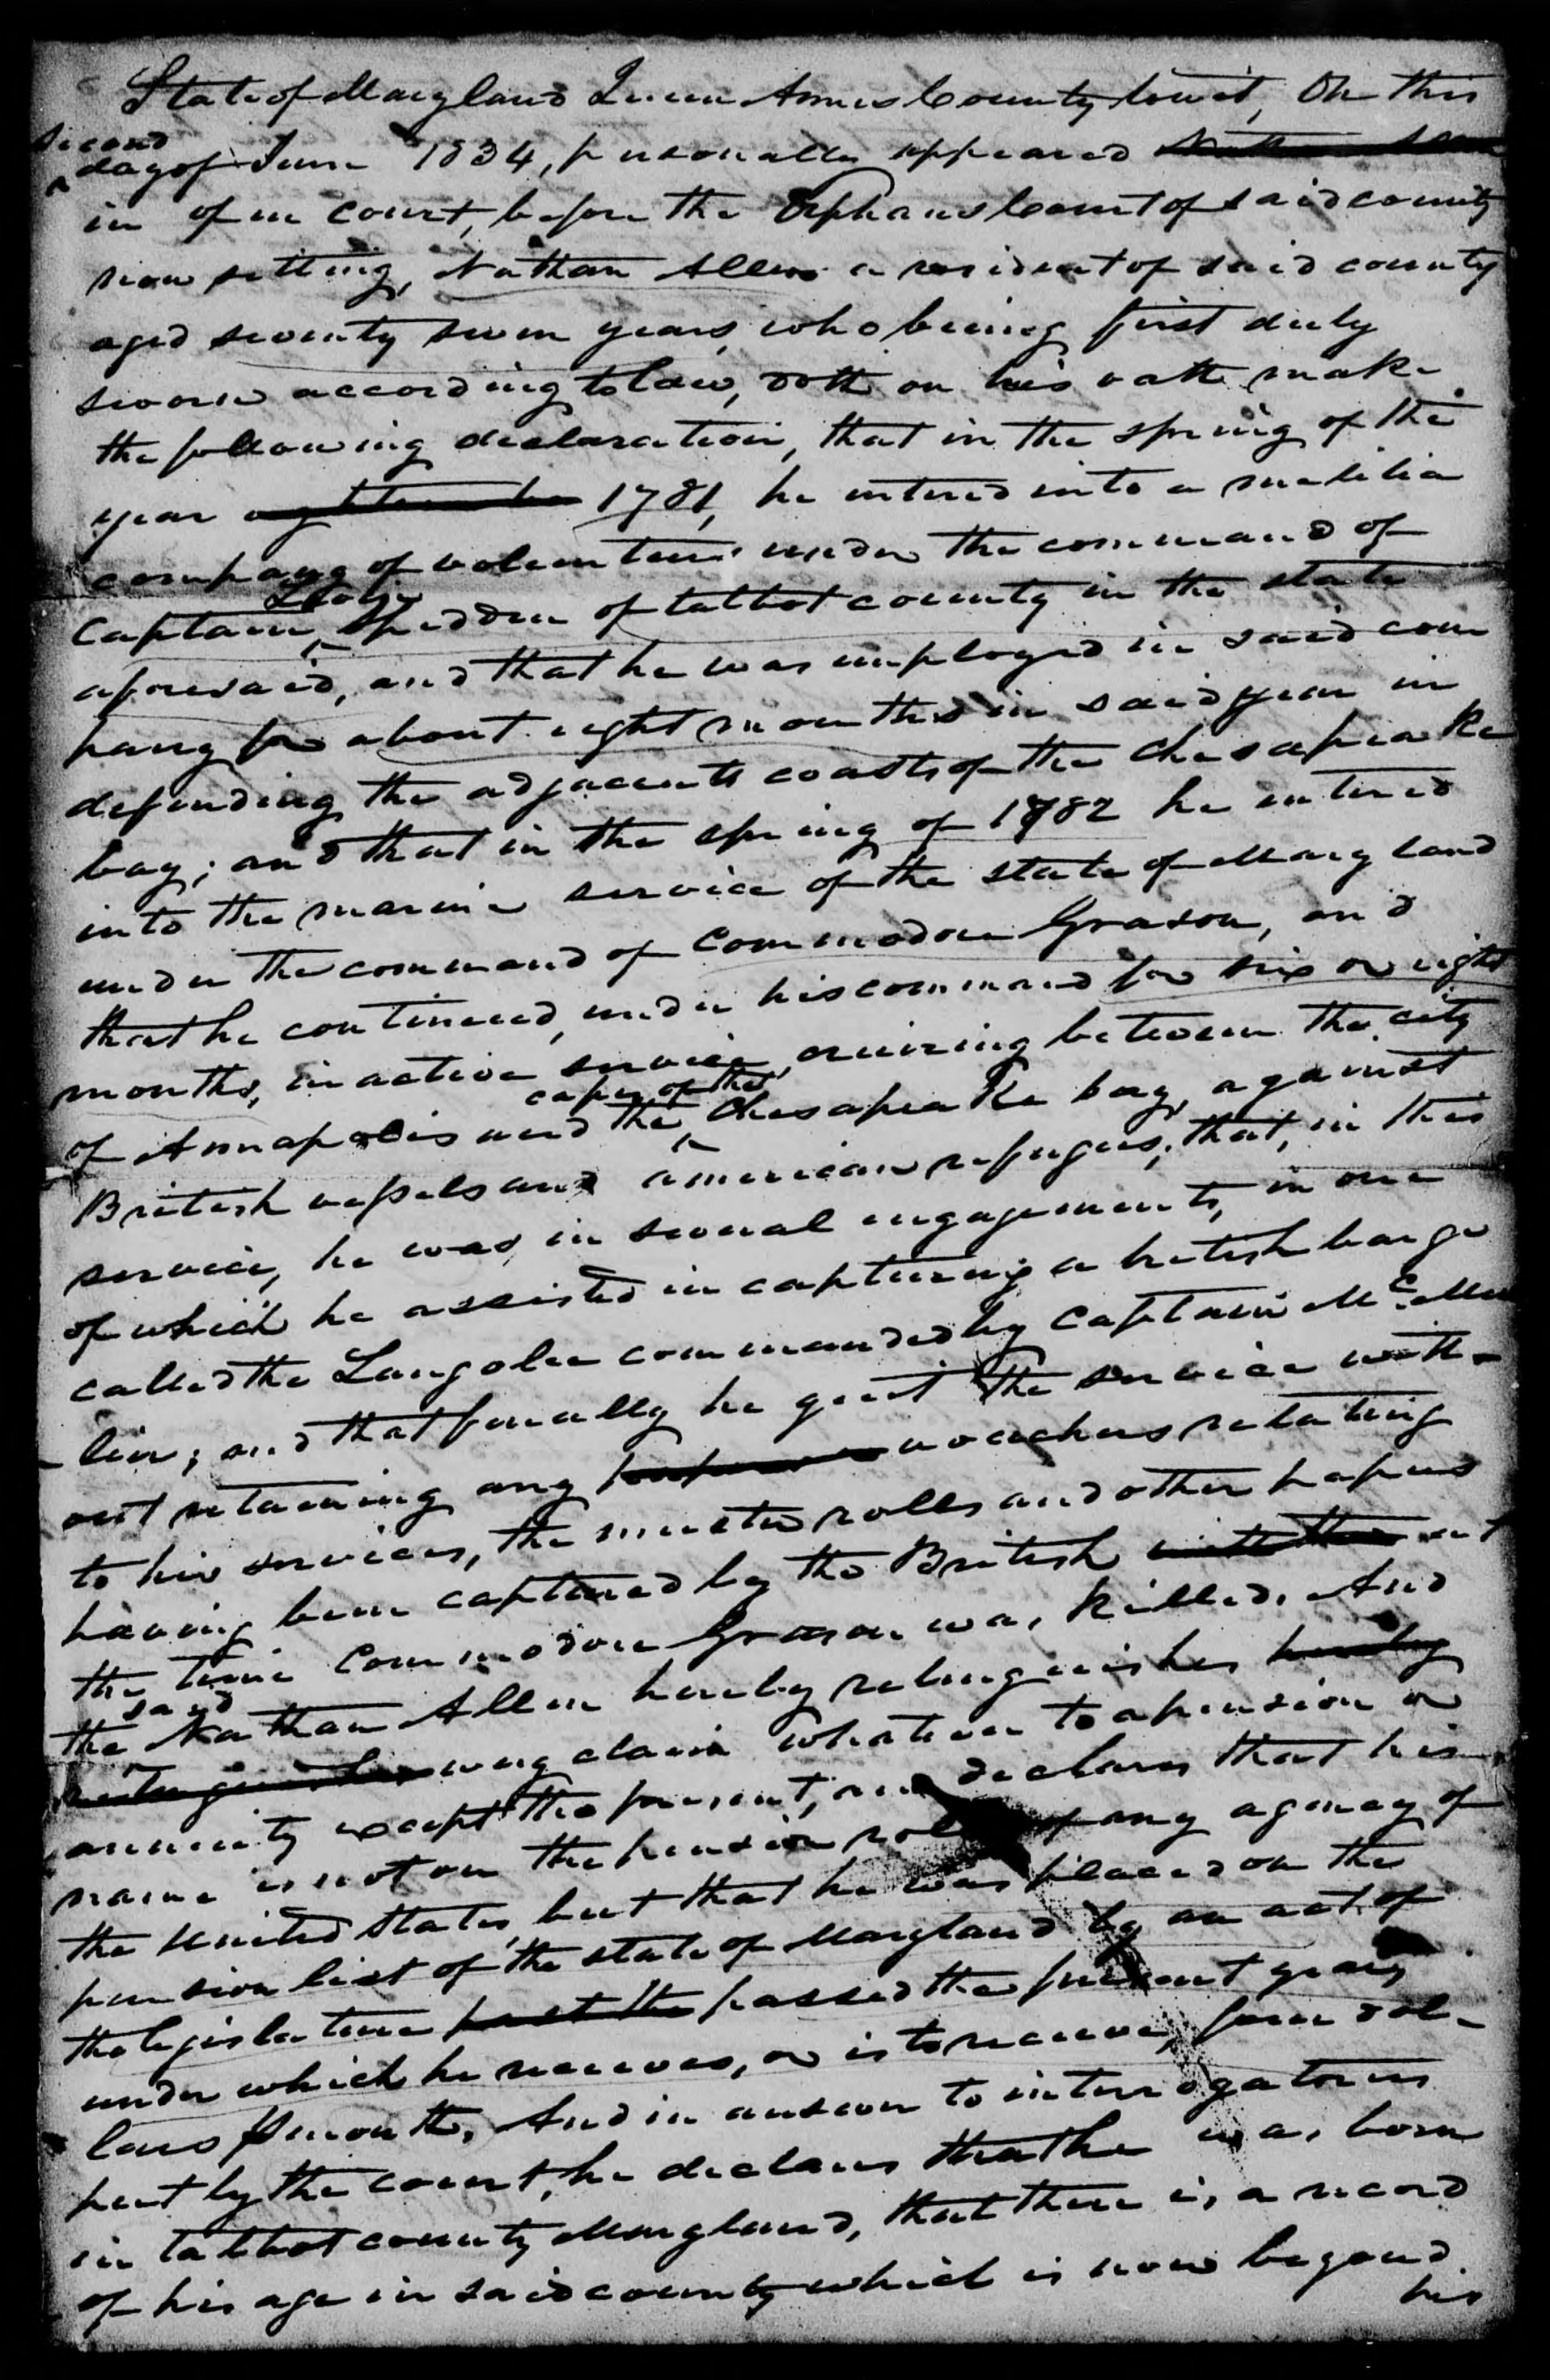State of Maryland Queen Annes County to wit

On this second day of June 1834 personally appeared in open court before the Orphans Court of said county now sitting Nathan Allen a resident of said county aged seventy-seven years who being first duly sworn according to law doth on his oath make the following declaration that in the spring of the year 1781 he entered into a militia company of volunteers under the command of Captain Lloyd Spidden of Talbot County in the state aforesaid and that he was employed in said company for about eight months in said year in defending the adjacent coast of the Chesapeake Bay; and that in the spring of 1782 he entered into the marine service of the state of Maryland under the command of Commodore Grason and that he continued under his command for six or eight months in active service occurring between the city of Annapolis and the cape of the Chesapeake Bay against British vessels and American refugees that in this service he was in several engagements, in one of which he assisted in capturing a British barge called the Langold commanded by Captain McMullin and that formally he quit the service without returning any vouchers relating to his service the muster rolls and other papers having been captured by the British but the time commodore Grason was killed. And the said Nathan Allen hereby relinquishes every claim whatever to a pension or annuity except the present and declares that his name is not on the pension roll of any agency of the United States but that he was placed on the pension list of Maryland by an act of the legislature passed the present year under which he receives or is to receive from the [illegible] and in answer to interrogatories put by the court he declares that he was born in Talbot County Maryland; that there is a record of his age in said county which is now beyond his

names: Grason, Nathan Allen, Mc Mullin, Leo Hedden, Nathan Allen, Grason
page: 5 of 14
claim: survivor's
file: S. 8,011, Nathan Allen, Md. And Sea Service